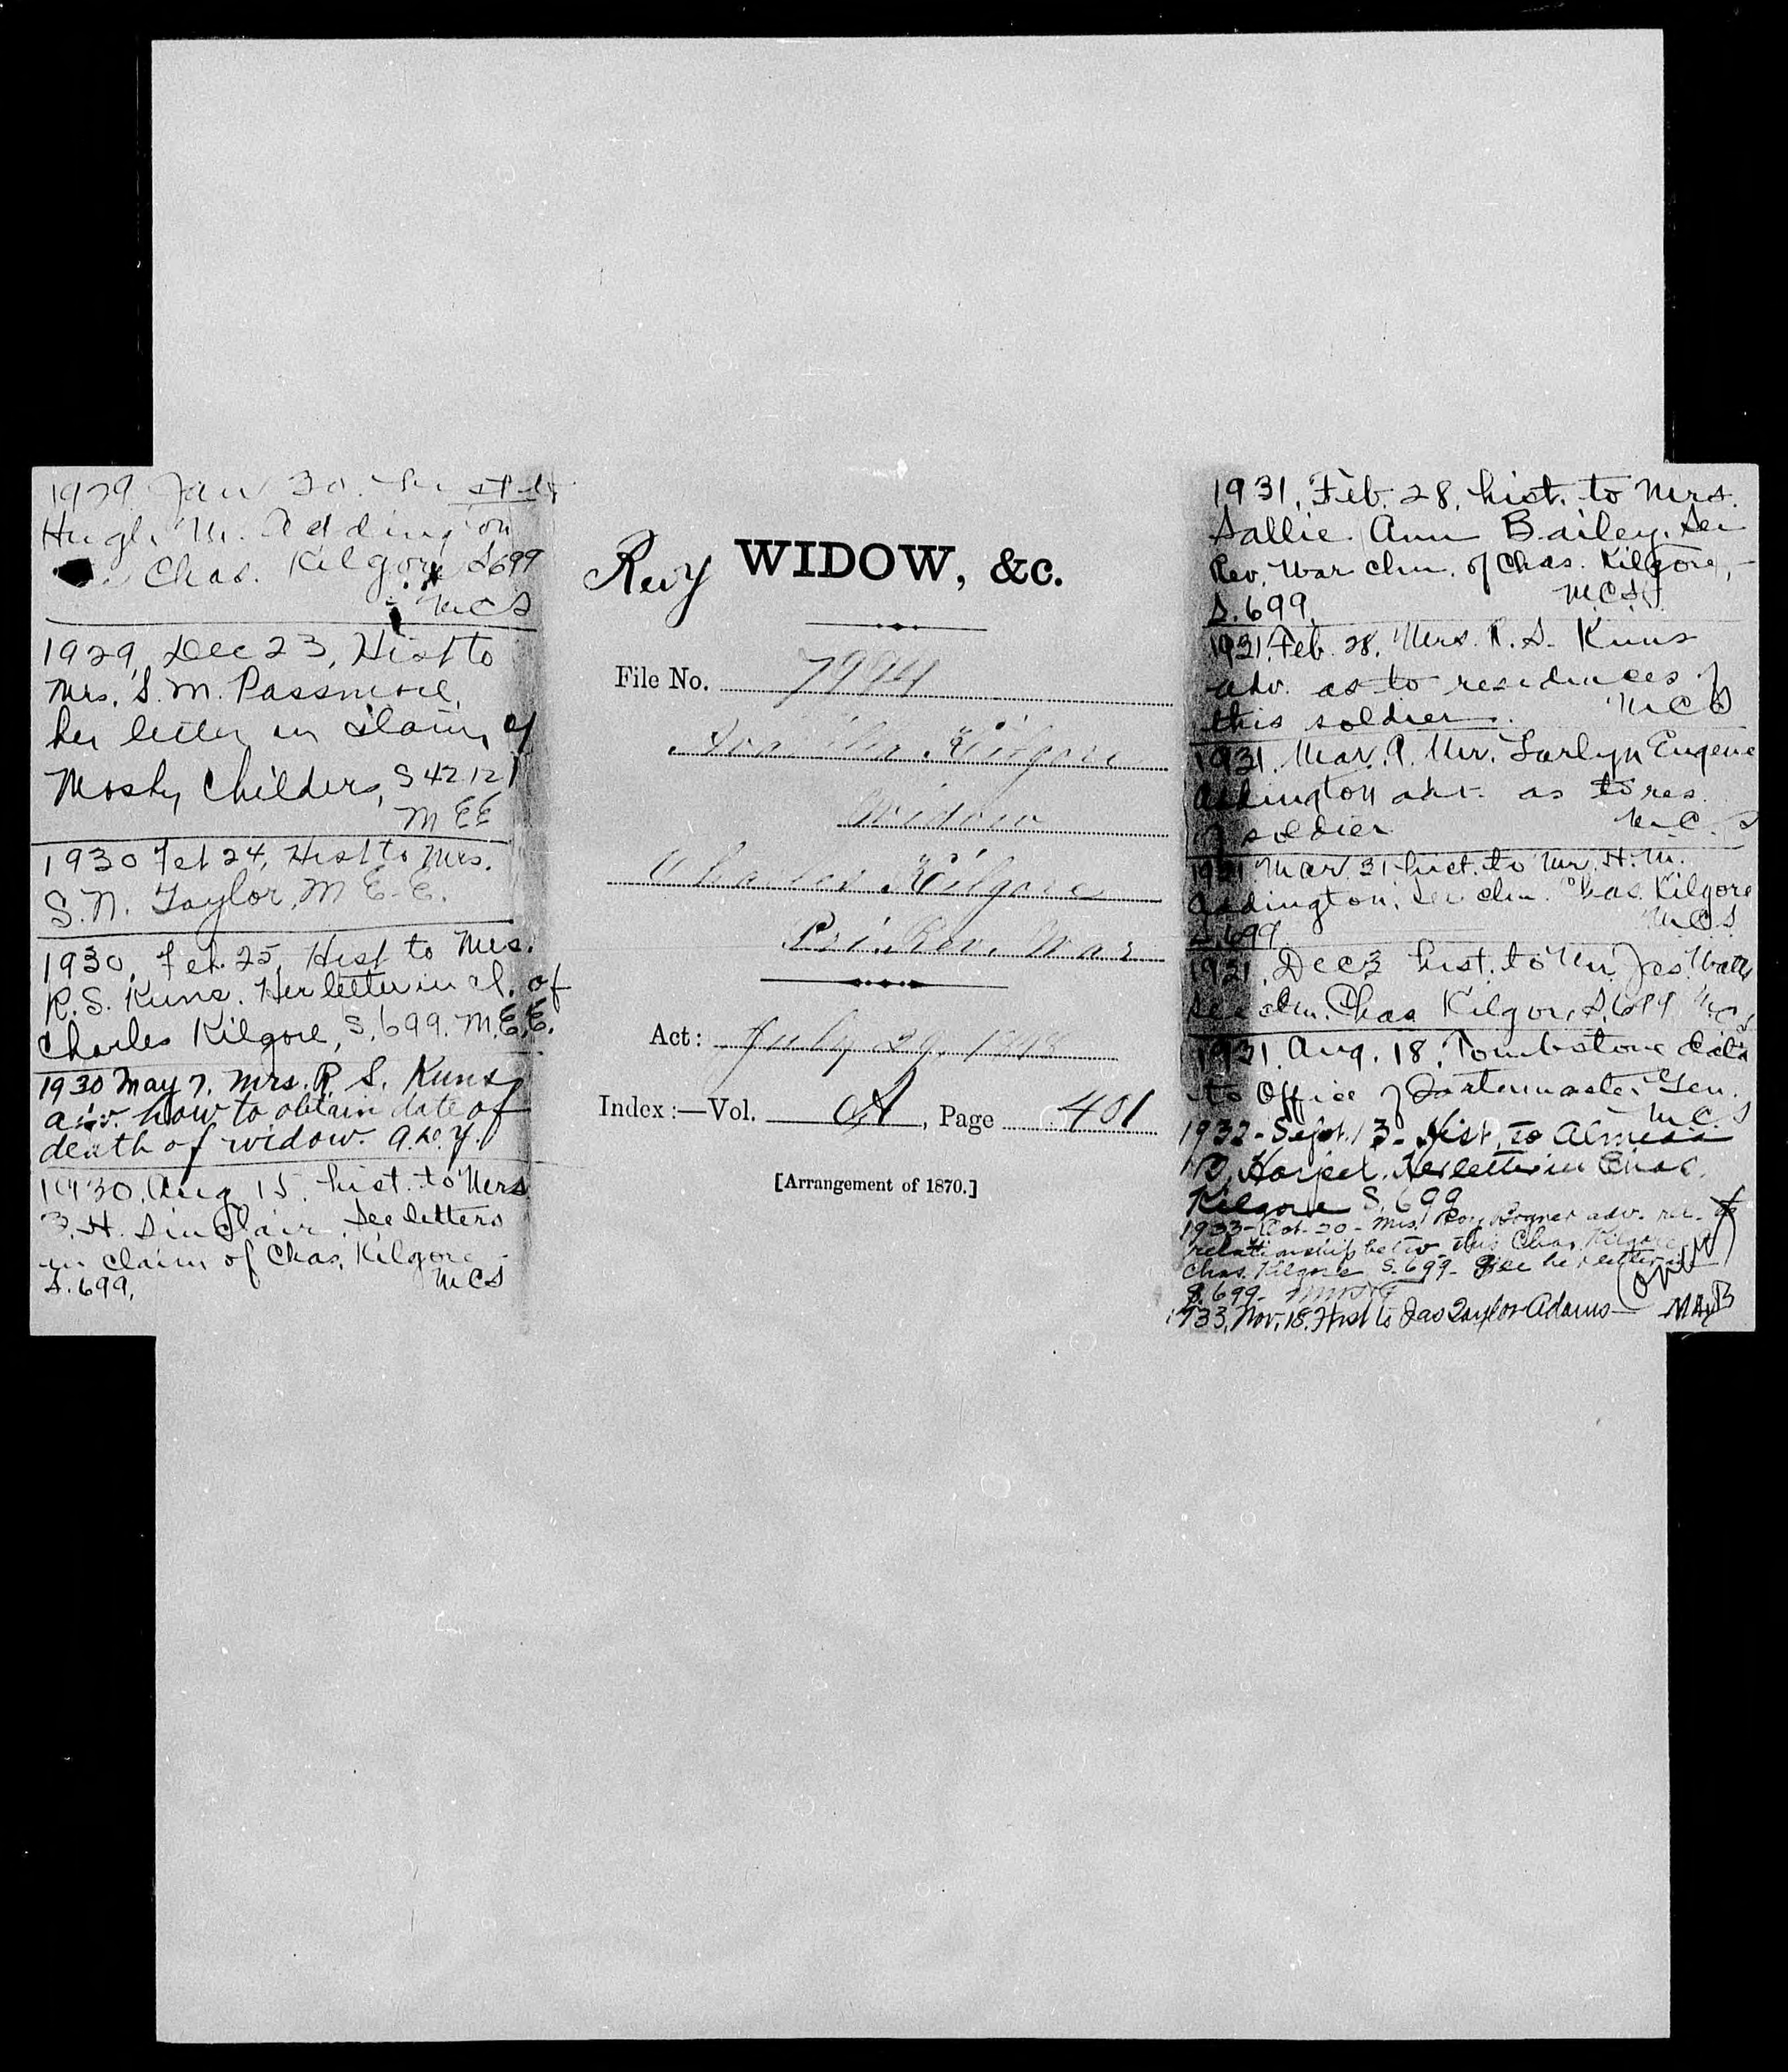Revy WIDOW, &c.
File No. 7994
Avarilla Kilgore Widow
Charles Kilgore Pri. Rev. War
Act: July 29, 1848.
Index:-Vol. A, Page 401
[Arrangement of 1870.]

1929 Jan 30. hist to Hugh M. Addington re Chas. Kilgore S699 MCS
1929, Dec 23, Hist to Mrs. S. M. Passmore, her letter in claims of Mosby Childers, S 42121 MEE
1930 Feb 24, Hist to Mrs S. N. Taylor, ME.E.
1930, Feb. 25, Hist to Mrs. R. S. Kuns. Her letter in cl. of Charles Kilgore, S. 699. M.E.E.
1930 May 7, Mrs. R. S. Kuns adv. how to obtain date of death of widow. A.D.Y.
1930, Aug 15. hist to Mrs B. H. Sinclair. See letters in claim of Chas. Kilgore, S. 699. MCS

1931, Feb. 28. hist. to Mrs. Sallie Ann Bailey. See Rev. War clm. of Chas. Kilgore, S. 699 M.C.S.
1931. Feb. 28. Mrs. R. S. Kuns adv as to residences of this soldier. MCS
1931. Mar. 9. Mr. Larlyn Eugene Addington adv as to res. soldier M.C.S.
1931. Mar. 31. hist to Mr. H. M. Addington, Ser clm. Chas. Kilgore S. 699. M.C.S.
1931. Dec 3 hist to Mr. Jas. Watts see clm. Chas Kilgore S. 699 M.C.S.
1931. Aug. 18. Tombstone data to Office of Postmaster Gen.
1932. Sept. 13. Hist to Almeda B. Harpel. Her letter in Chas. Kilgore S. 699
1933-Oct-20- Mrs. Roy Bogner adv. ref to relationship betw this Chas Kilgore & Chas Kilgore 2.699. See her letter in S. 699. MMH
1933. Nov. 18. Hist to Jas Taylor Adams MAB
(over)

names: S N Taylor; Sallie Ann Bailey; Charles Kilgore; Avarilla Kilgore; Chas Kilgore; B H Sinclair; H M Addington; R S Kuns; Jas Watts; Larlyn Eugene Addington; S M Passmore; Hugh M Addington; Roy Bogner; Jas Taylor Adams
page: 62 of 115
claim: survivor's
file: S. 699, for Charles Kilgore, Virginia